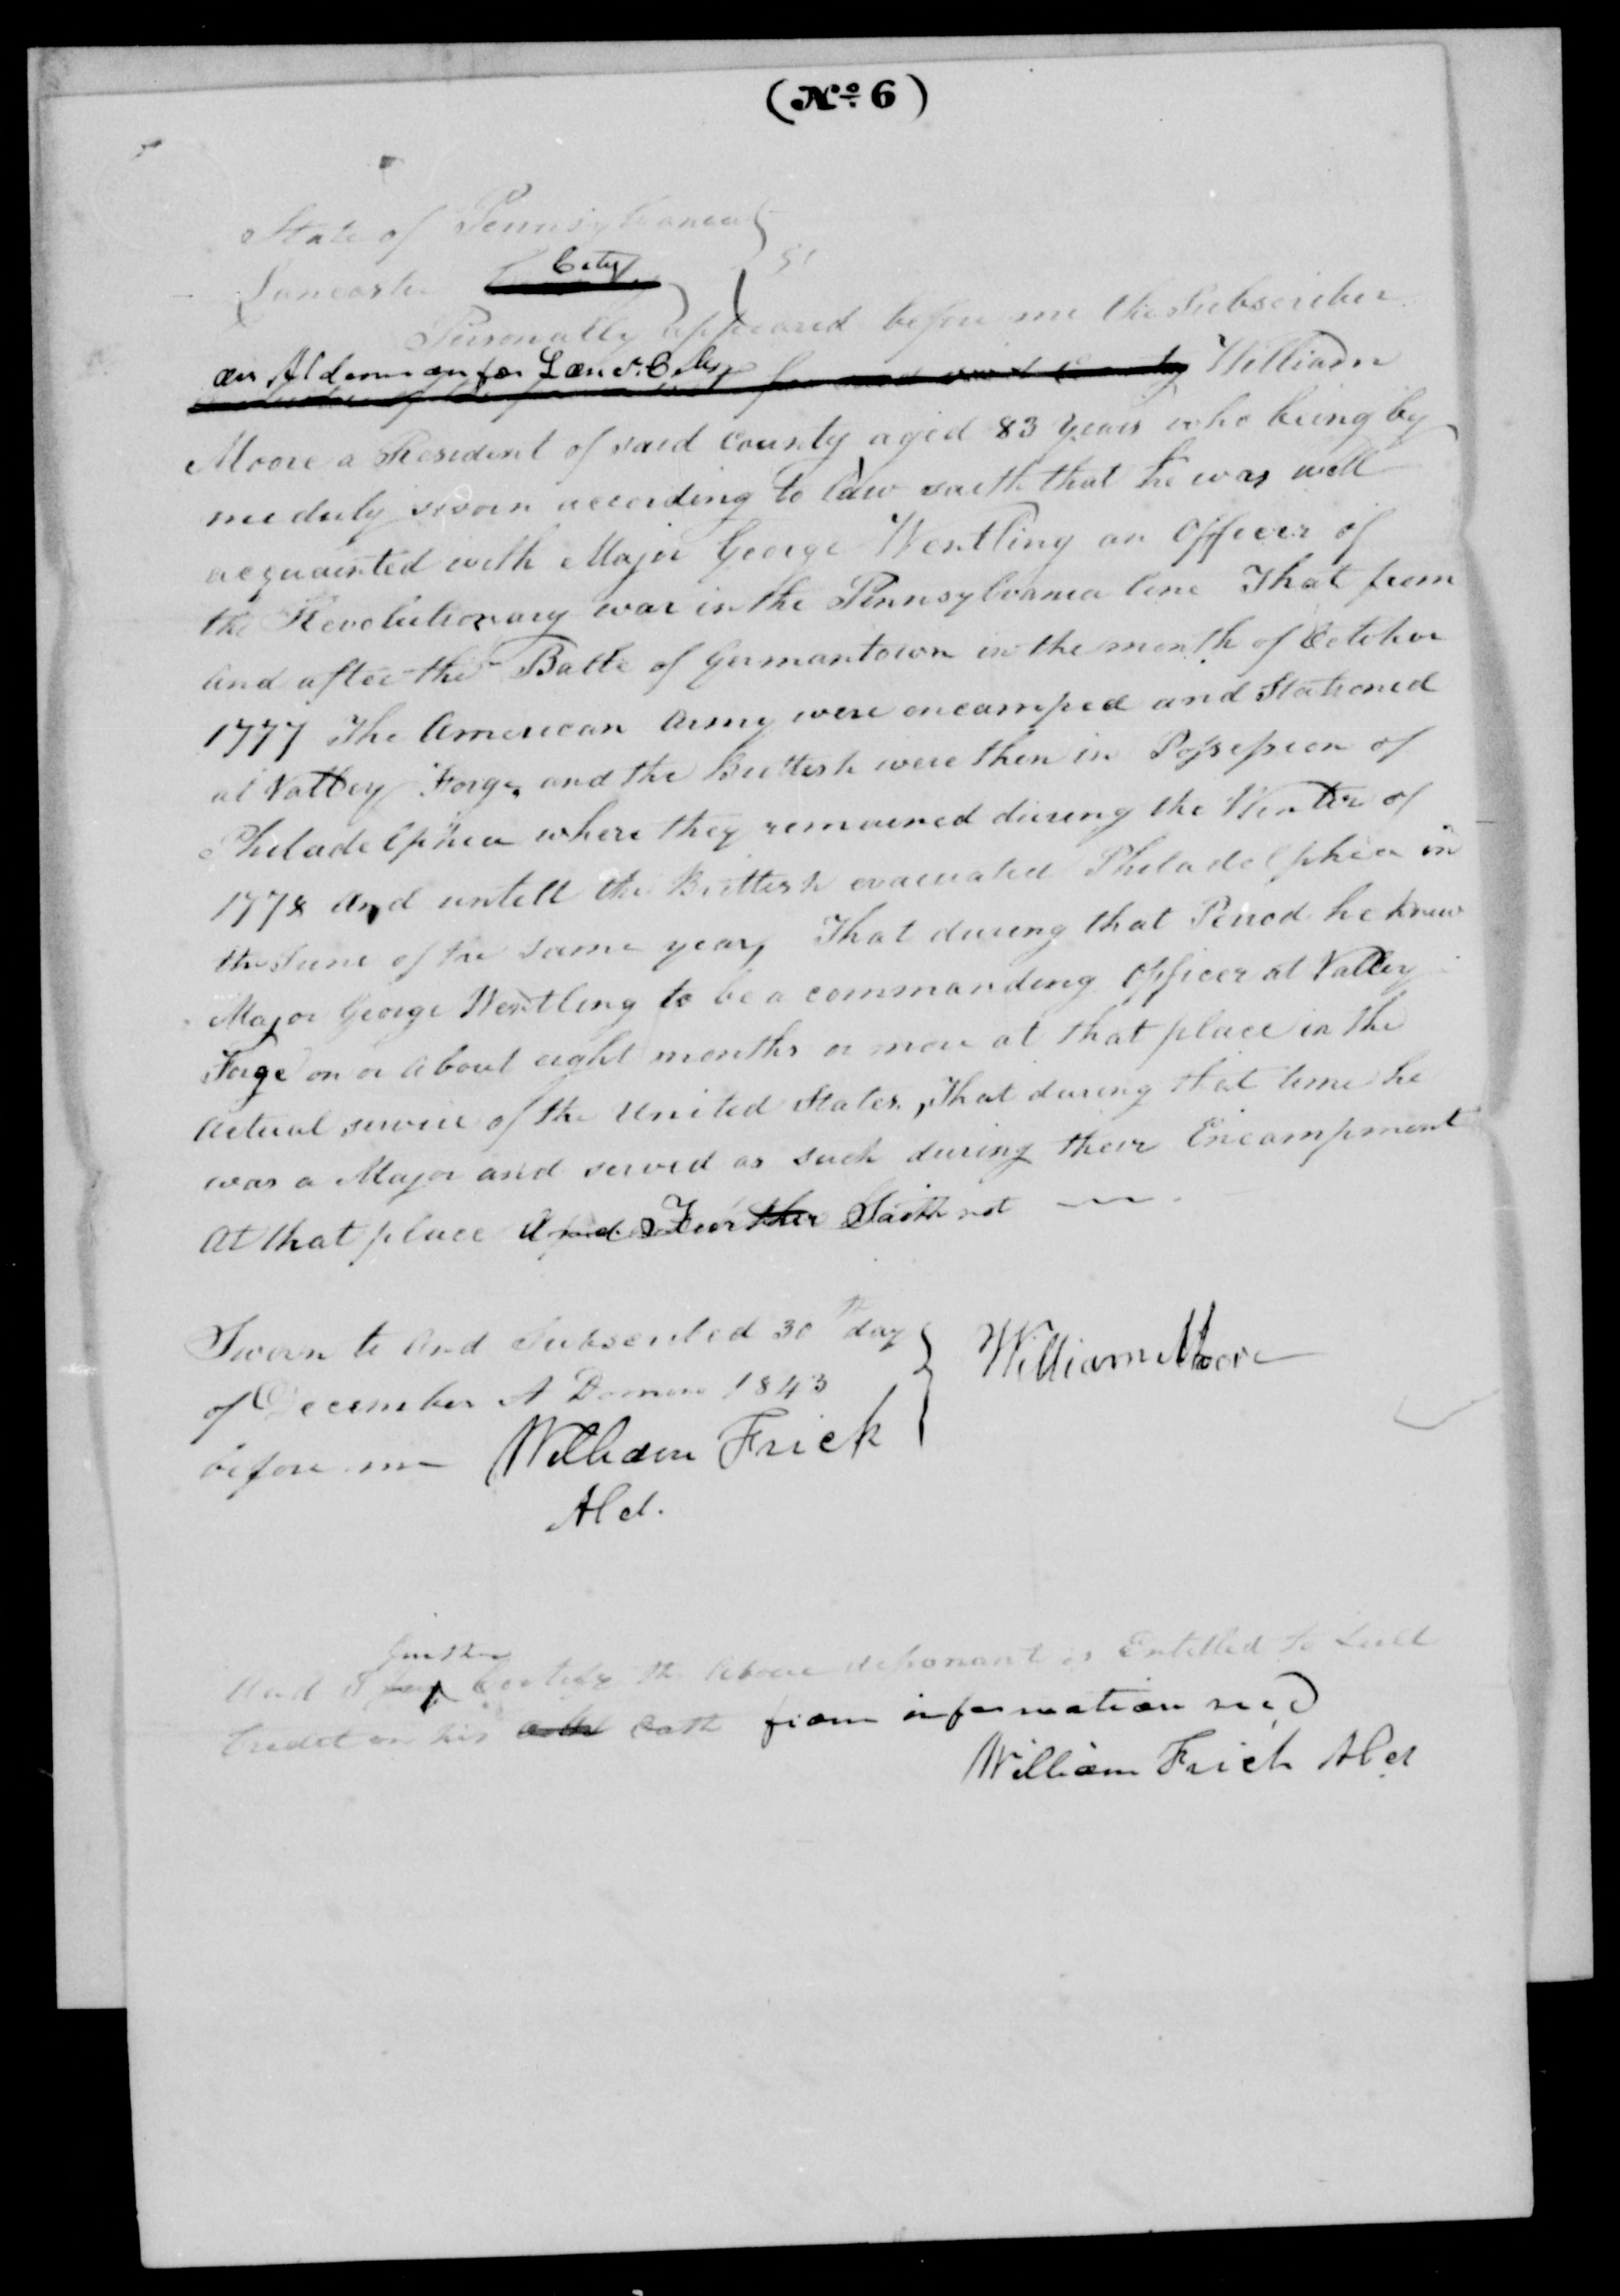(No 6)
State of Pennsylvania Lancaster City ss
Personally appeared before me the Subscriber
an Alderman for Lancaster City, William Moore a Resident of said County aged 83 years who being by
me duly sworn according to law saith that he was well 
acquainted with Major George Wentling an officer of
the Revolutionary war in the Pennsylvania line. That from
and after the Battle of Germantown in the month of October
1777 the American army were encamped and stationed at
Valley Forge and the Brittish were then in possession of
Philadelphia where they remained during the Winter of
1778 and untill the Brittish evacuated Philadelphia in
the June of the same year. That during that period he knew
Major George Westling to be a commanding Officer at Valley
Forge on or about eight months or more at that place in the
actual service of the United States. That during that time he
was a Major and served as such during their encampment
at that place and Further Saith not. William Moore
Sworn to and Subscribed 30th day
of December A D 1843 before me
William Frick Ald

And I further certify the above deponant is entitled to full
Credit on his oath from information rec’d.
William Frick Ald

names: William Frick, William Moore, George Wentling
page: 58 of 68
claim: survivor's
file: S. 6,358, George Wentling, Penn.